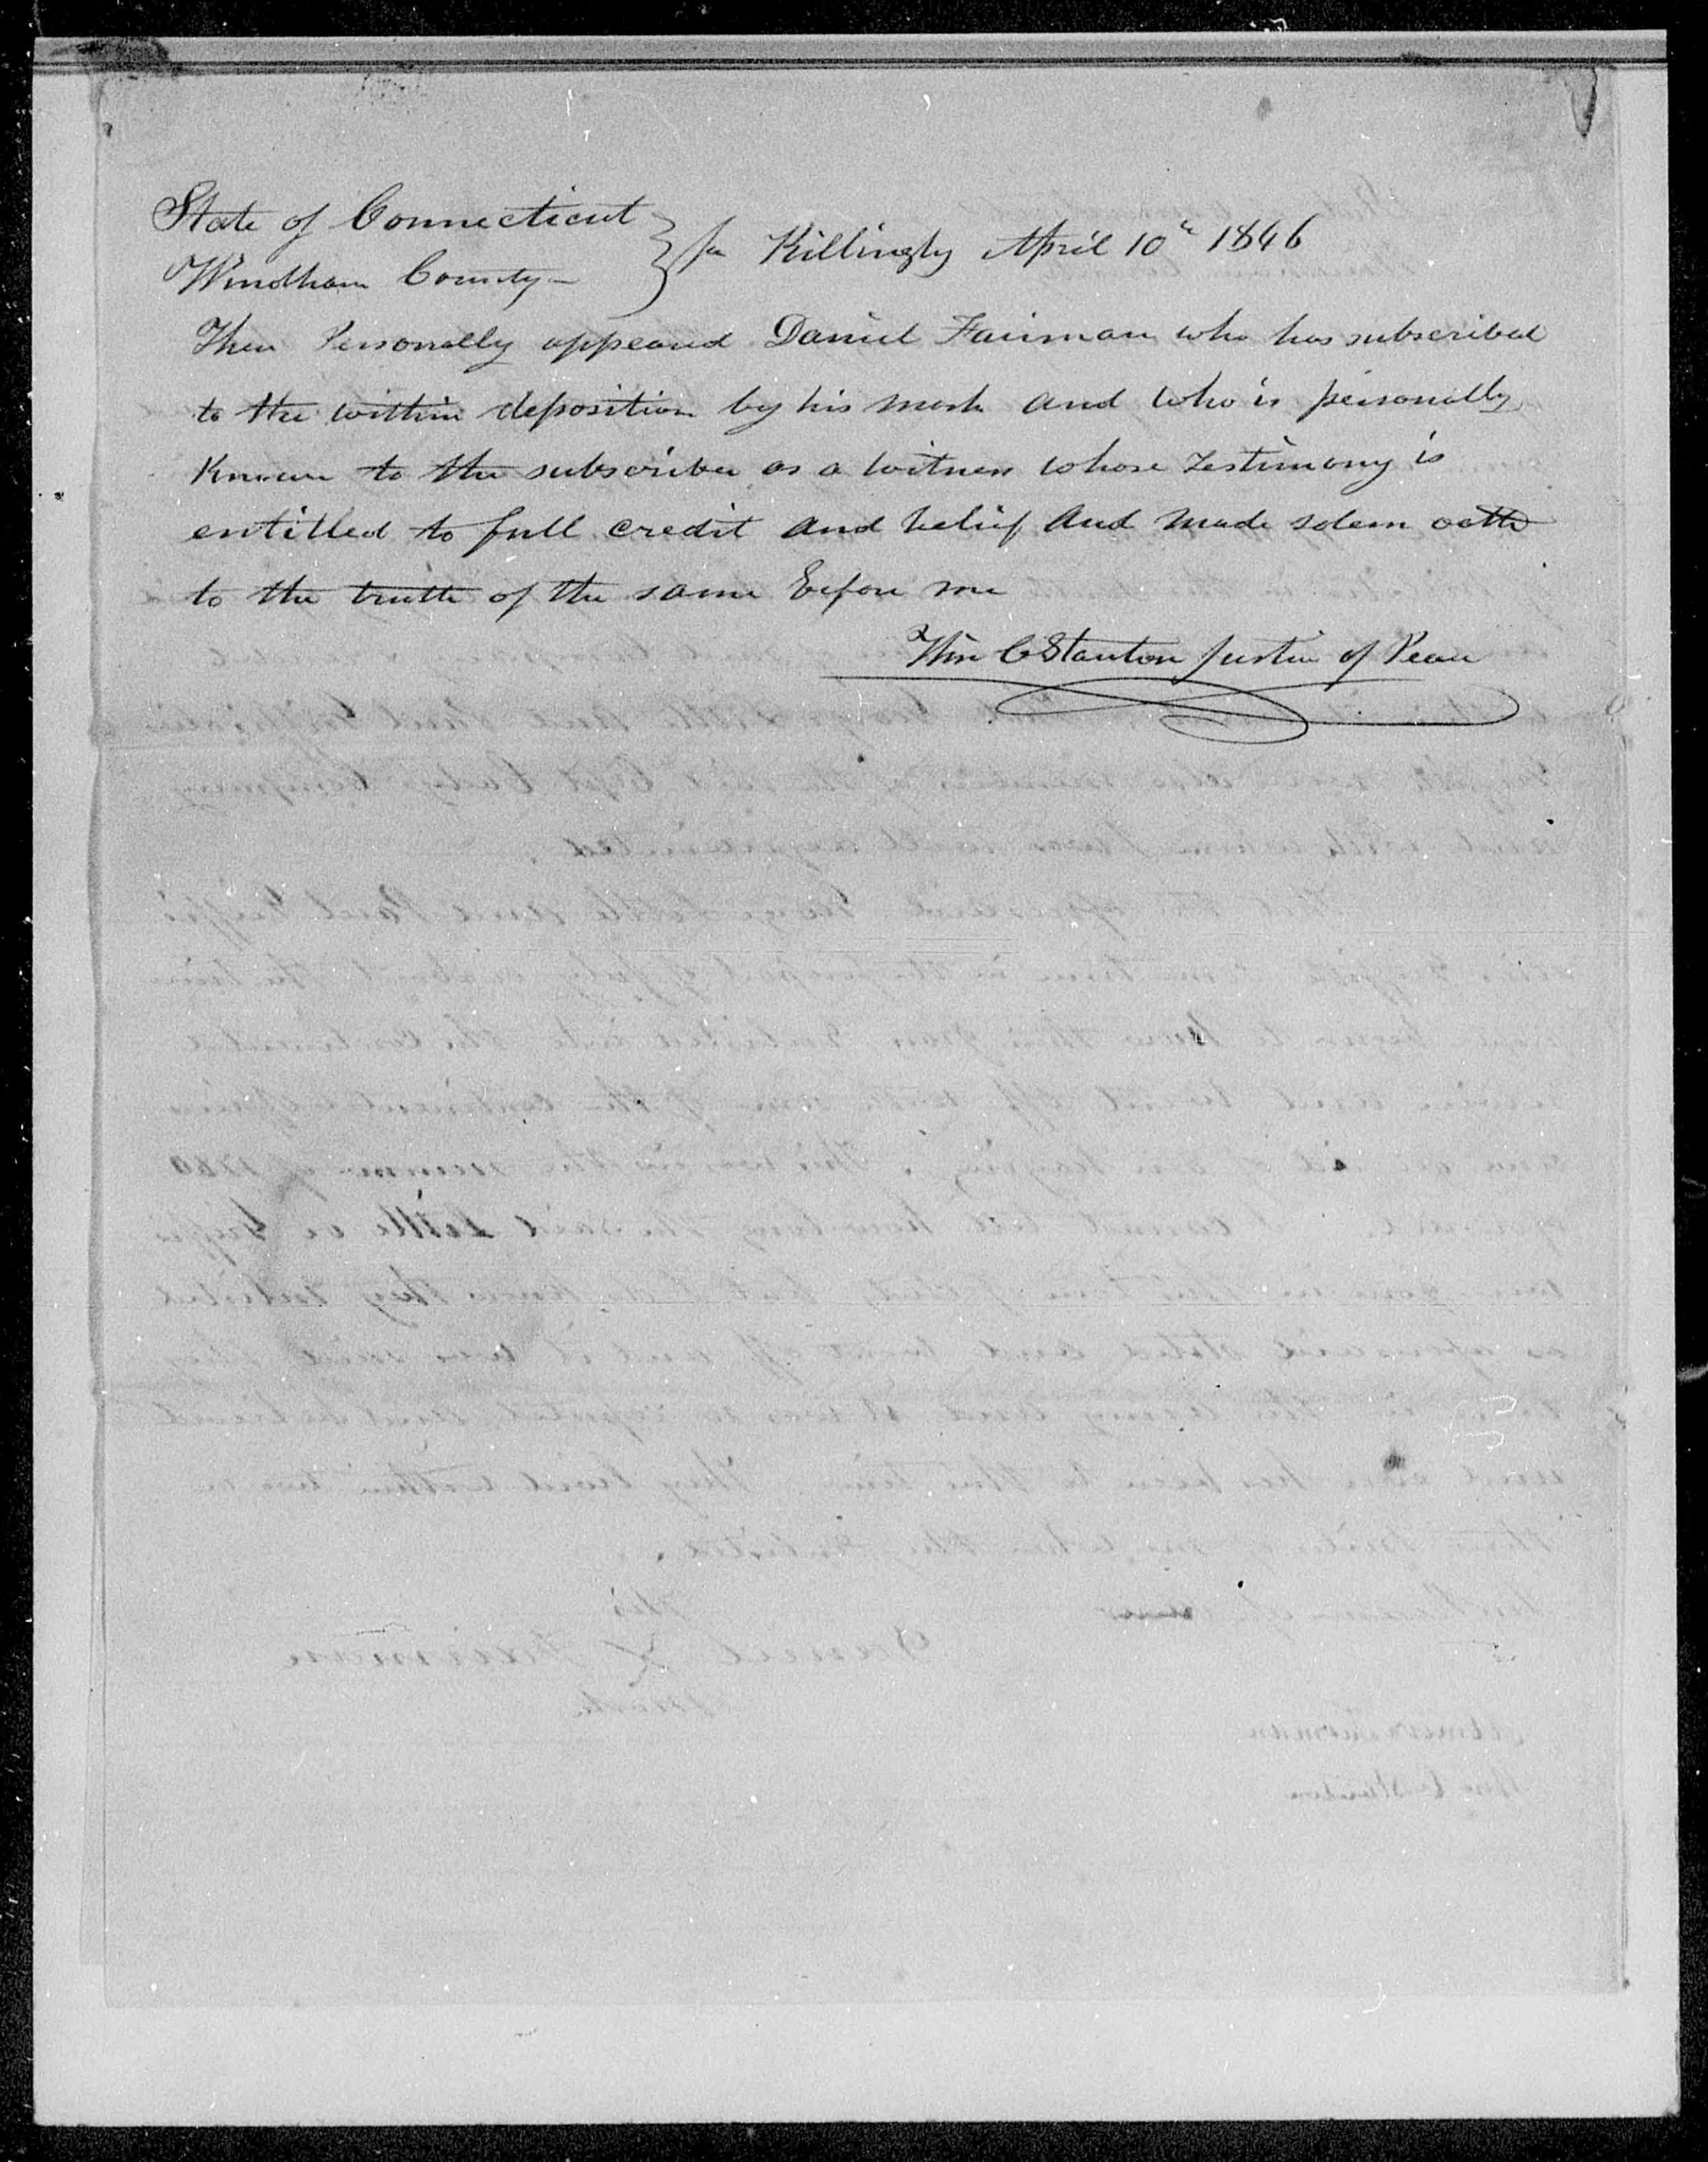State of Connecticut
Windham County} 
Killingly April 10 1846
Then Personally appeared Daniel Fairman who has subscribed
to the within deposition by his mark and who is personally
known to the subscriber as a witness whose testimony is entitled to full credit and belief and made solemn oath to the truth of the same before me
Wm. C. Stanton Justice of Peace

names: Daniel Fairman, Wm C Stanton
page: 60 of 61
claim: survivor's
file: S. 22798, Paul Griffiths, R.I.